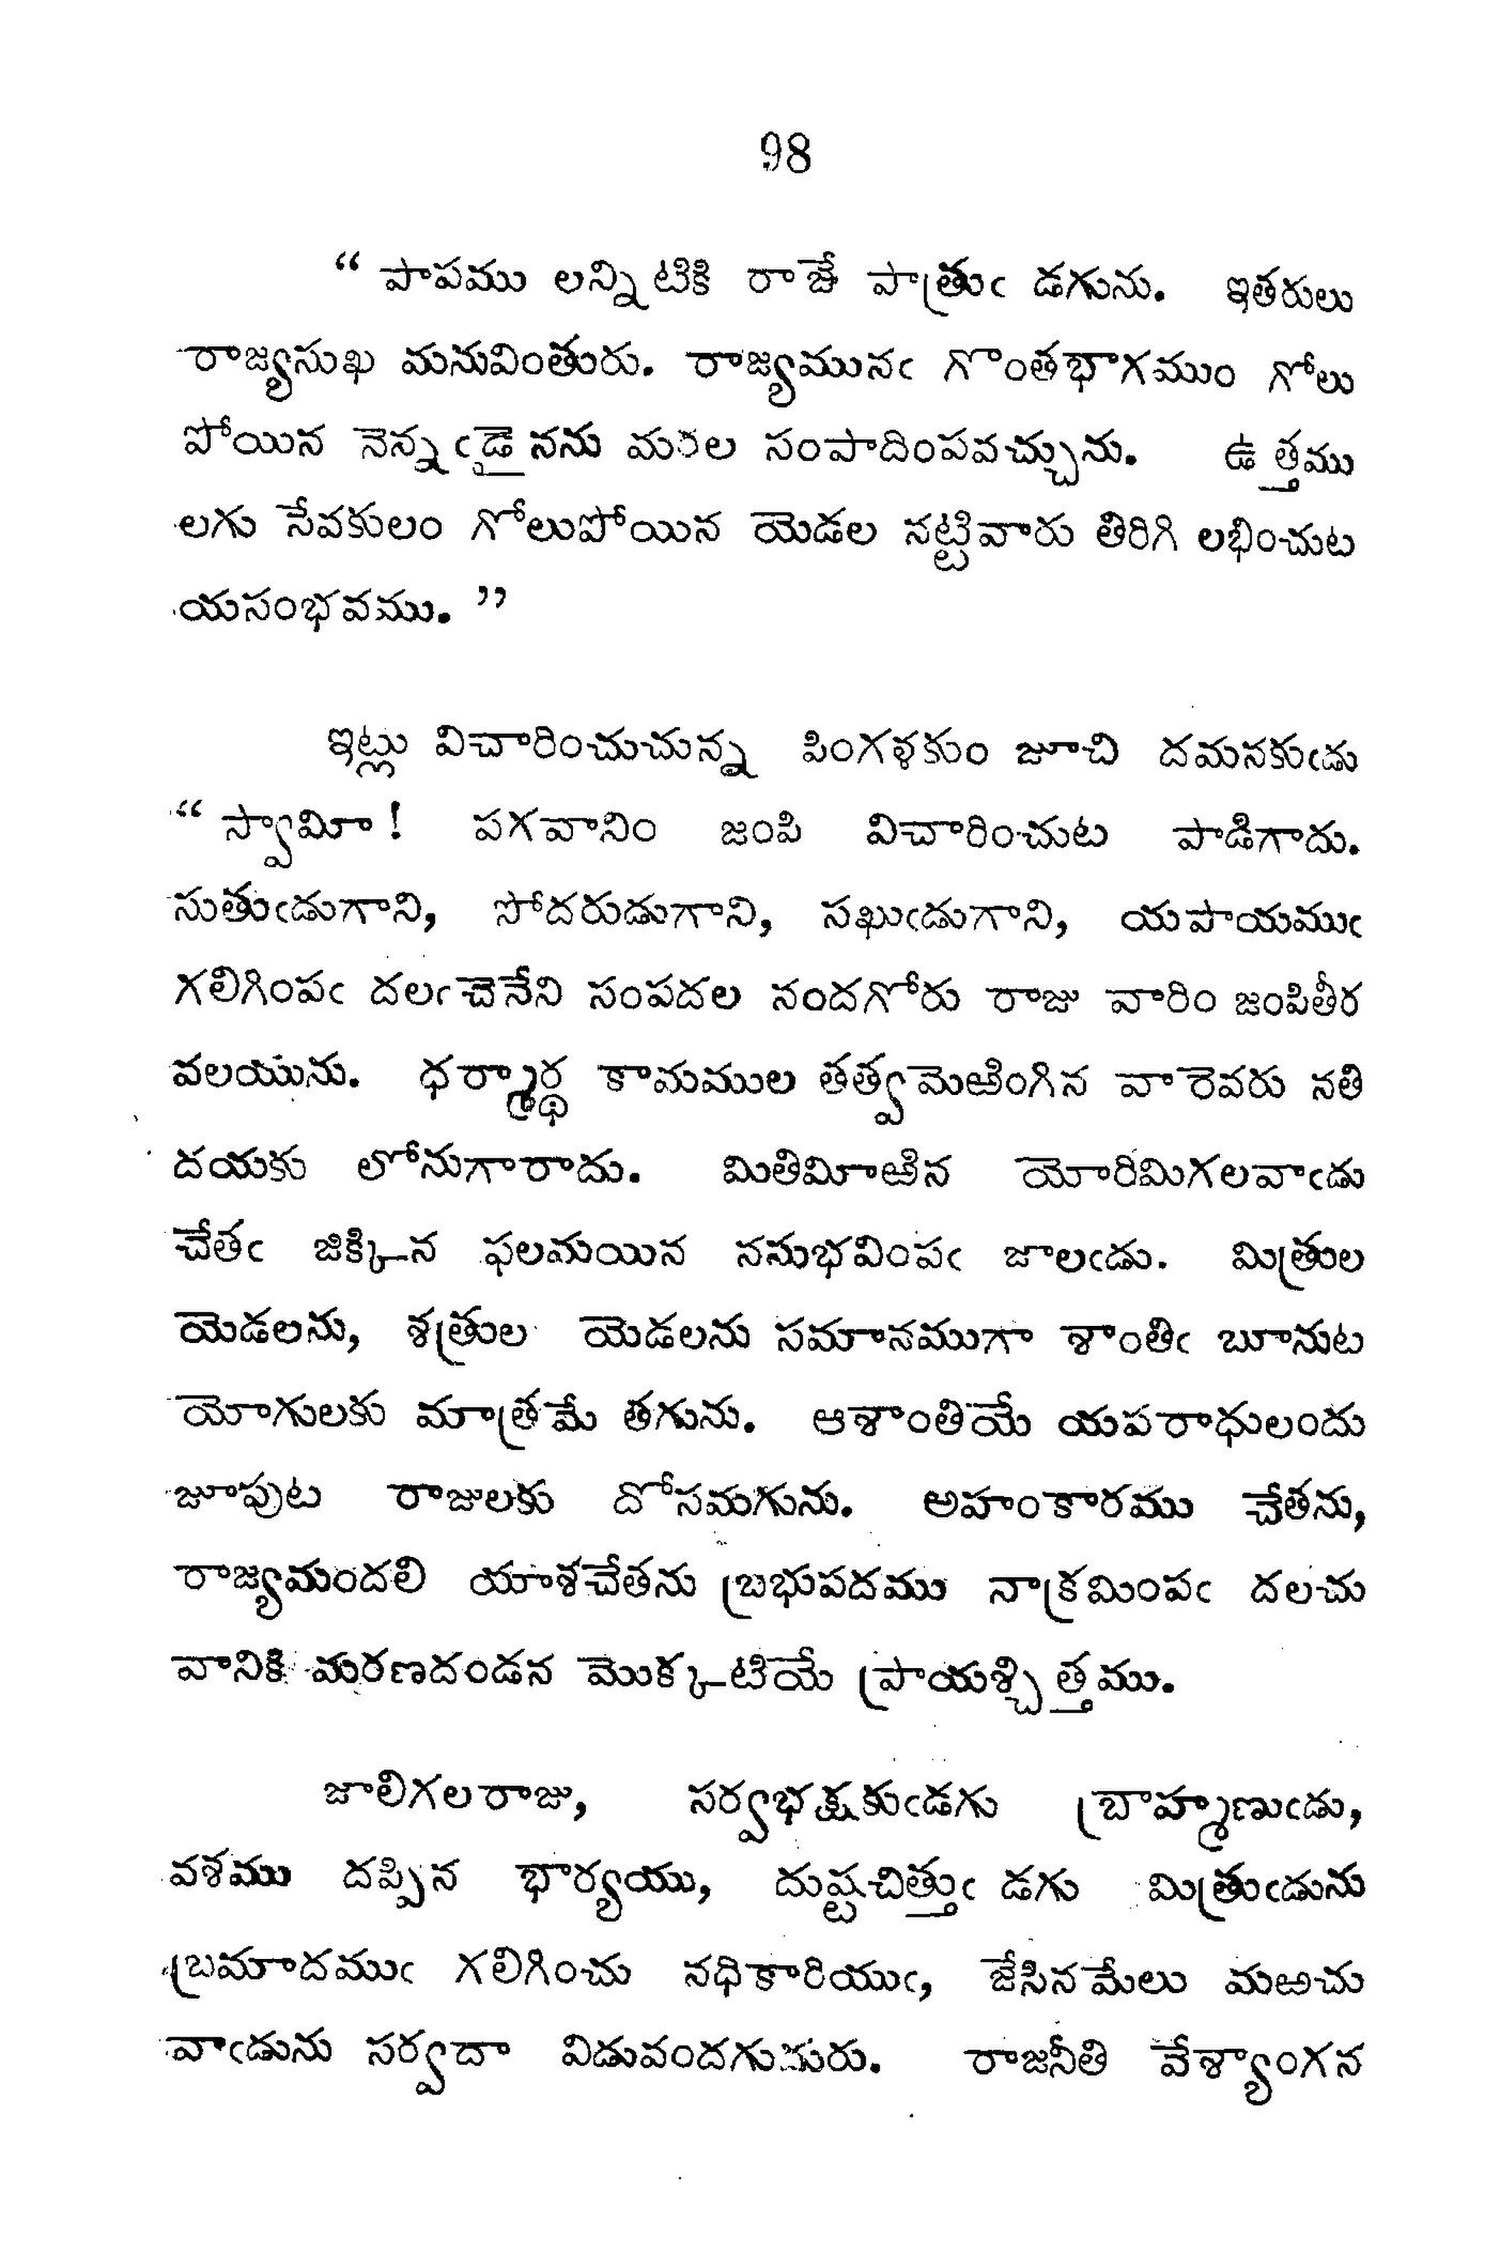"పాపము లన్నిటికి రాజే పాత్రు డగును. ఇతరులు రాజ్యసుఖ మనువింతురు. రాజ్యమున గొంతభాగముం గోలు పోయిన నెన్నడైనను మరల సంపాదింపవచ్చును. ఉత్తములగు సేవకులం గోలుపోయిన యెడల నట్టివారు తిరిగి లభించుట యసంభవము."

ఇట్లు విచారించుచున్న పింగళకుం జూచి దమనకుడు "స్వామీ! పగవానిం జంపి విచారించుట పాడిగాదు. సుతుడుగాని, సోదరుడుగాని, సఖుడుగాని, యపాయము గలిగింప దలచెనేని సంపదల నందగోరు రాజు వారిం జంపితీర వలయును. ధర్మార్థ కామముల తత్వమెఱింగిన వారెవరు నతిదయకు లోనుగారాదు. మితిమీఱిన యోరిమిగలవాడు చేత జిక్కిన ఫలమయిన ననుభవింప జాలడు. మిత్రుల యెడలను, శత్రుల యెడలను సమానముగా శాంతి బూనుట యోగులకు మాత్రమే తగును. ఆశాంతియే యపరాధులందు జూపుట రాజులకు దోసమగును. అహంకారము చేతను, రాజ్యమందలి యాశచేతను బ్రభుపదము నాక్రమింప దలచువానికి మరణదండన మొక్కటియే ప్రాయశ్చిత్తము.

జాలిగలరాజు, సర్వభక్షకుడగు బ్రాహ్మణుడు, వశము దప్పిన భార్యయు, దుష్టచిత్తు డగు మిత్రుడును బ్రమాదము గలిగించు నధికారియు, జేసినమేలు మఱచువాడును సర్వదా విడువందగుదురు. రాజనీతి వేశ్యాంగన